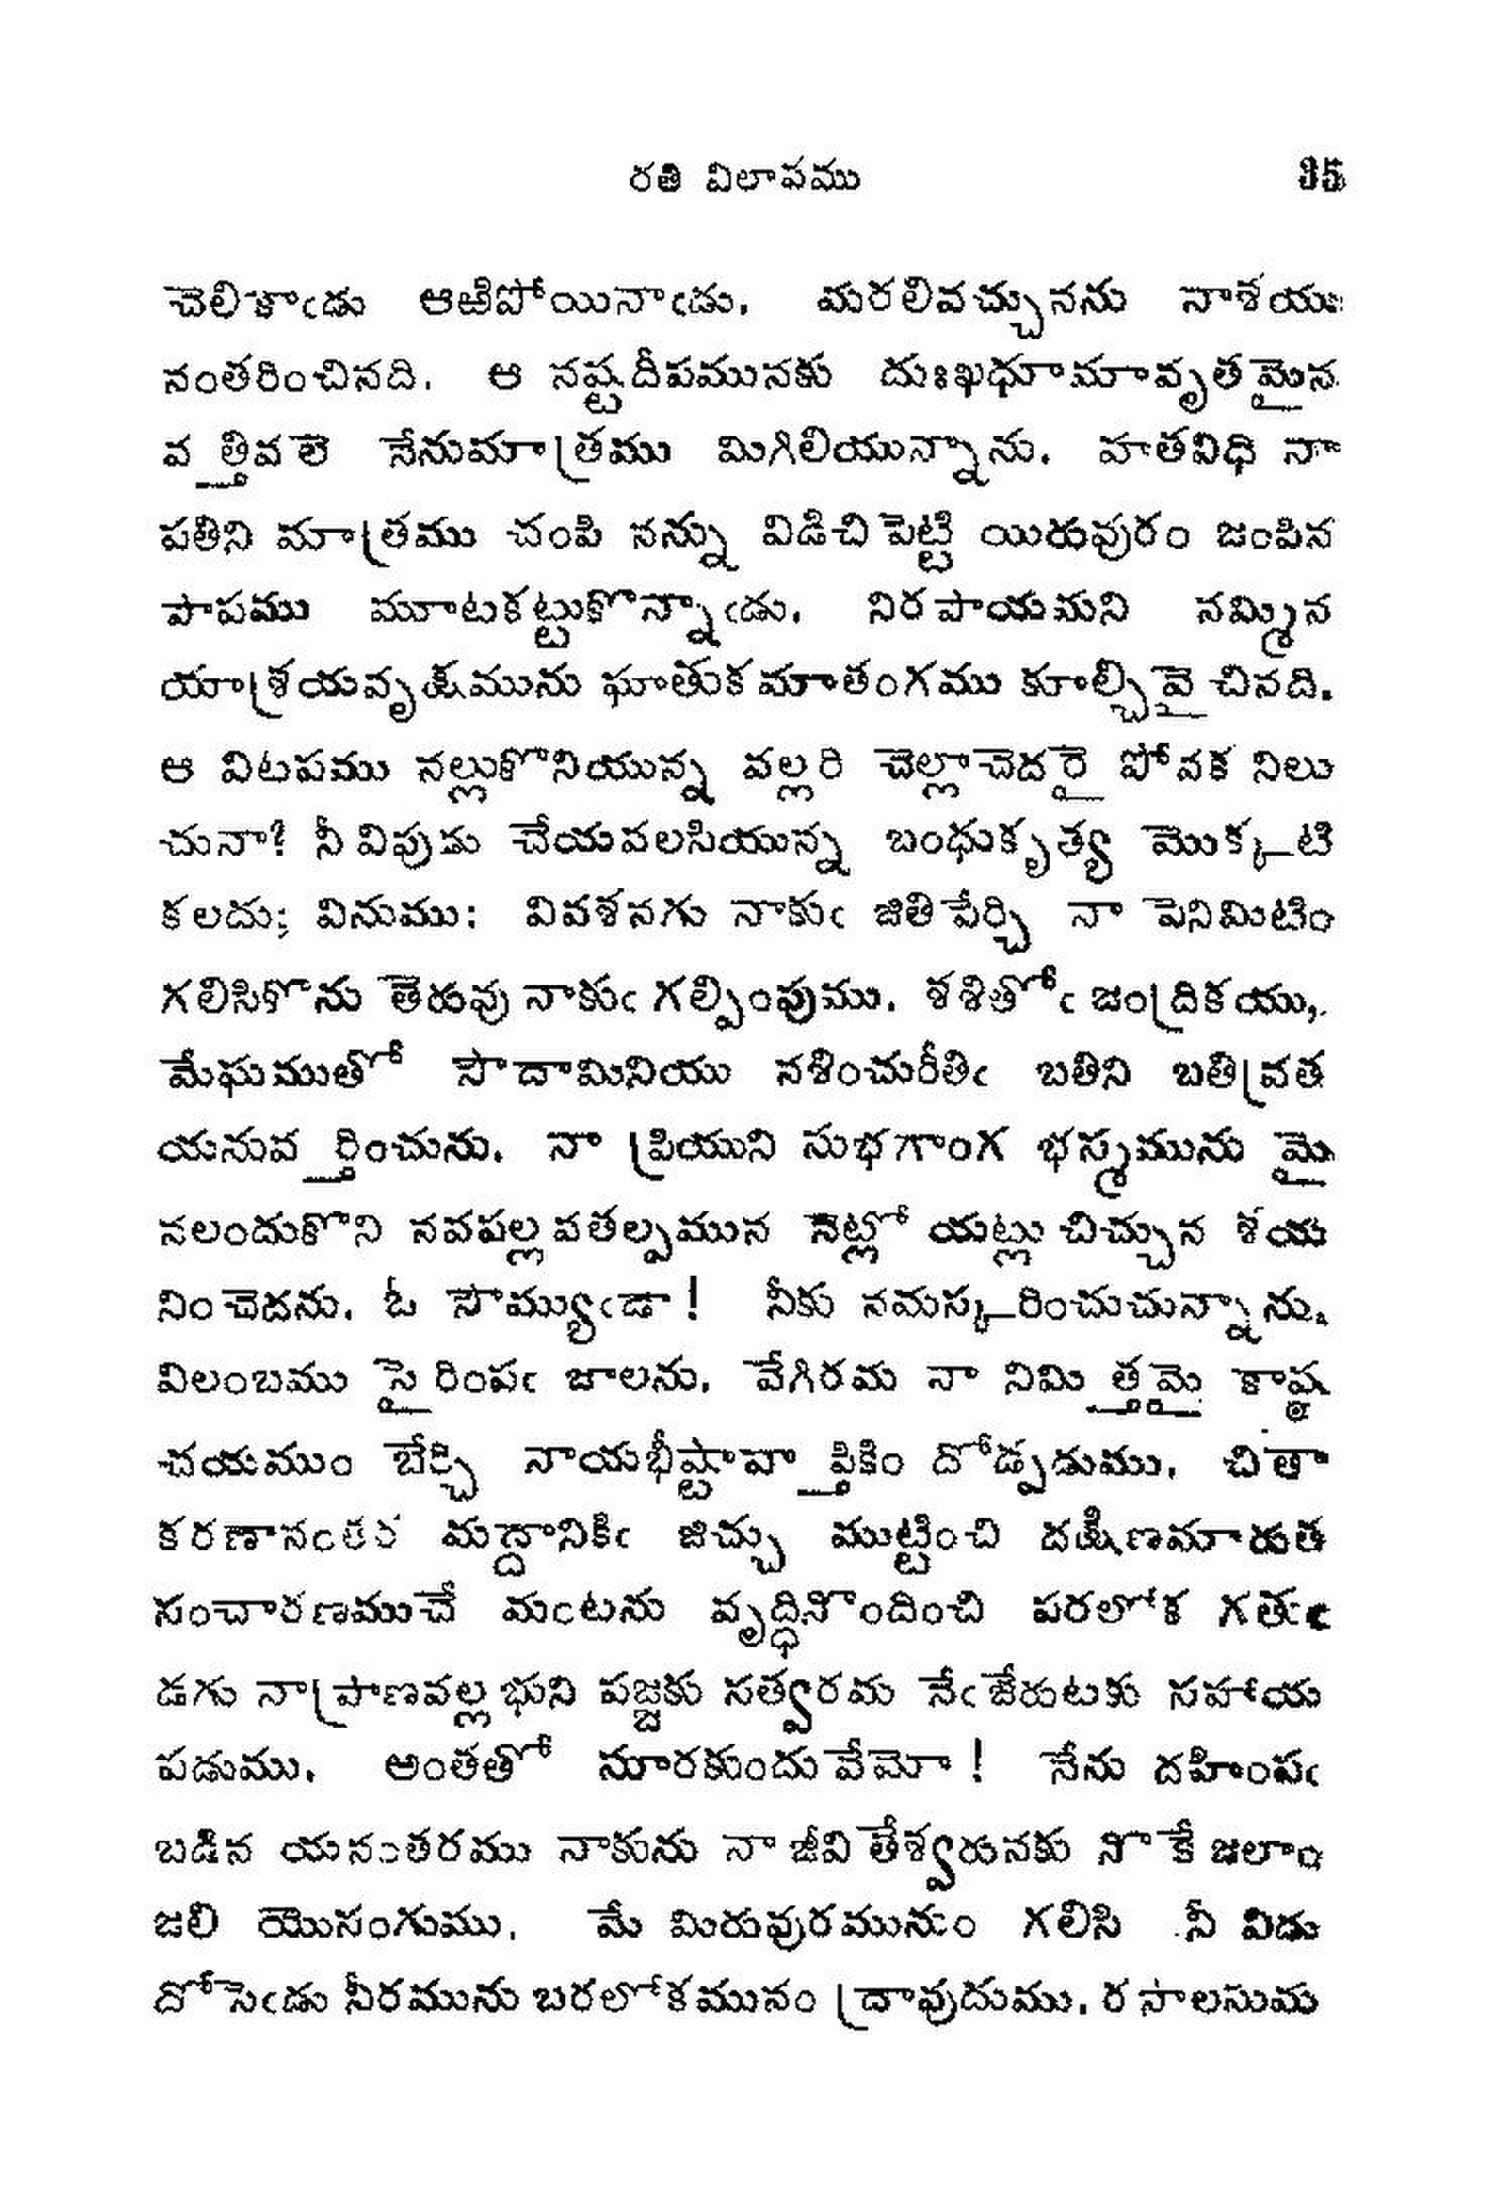చెలికాఁడు ఆఱిపోయినాఁడు, మరలివచ్చునను నాశయు సంతరించినది. ఆ నష్టదీపమునకు దుఃఖధూమావృతమైన
వత్తివలె నేనుమాత్రము మిగిలియున్నాను. హతవిధి నా పతిని మాత్రము చంపి నన్ను విడిచి పెట్టి యిరువురం జంపిన
పాపము మూటకట్టుకొన్నాఁడు. నిరపాయమని నమ్మిన యాశ్రయవృక్షమును ఘాతుక మాతంగము కూల్చివై చినది.
ఆ విటపము నల్లుకొనియున్న వల్లరి చెల్లా చెదరై పోవక నిలుచునా? నీ విపుడు చేయవలసియున్న బంధుకృత్య మొక్కటి
కలదు; వినుము: వివశనగు నాకుఁ జితి పేర్చి నా పెనిమిటిం గలిసికొను తెరువు నాకుఁ గల్పింపుము. శశితోఁ జంద్రికయు,
మేఘముతో సౌదామినియు నశించురీతిఁ బతిని బతివ్రత యనువర్తించును. నా ప్రియుని సుభగాంగ భస్మమును మై
నలందుకొని నవపల్ల పతల్పమున నెట్లో యట్లు చిచ్చున శయనించెదను. ఓ సౌమ్యుఁడా ! నీకు నమస్కరించుచున్నాను.
విలంబము సైరింపఁ జాలను, వేగిరము నా నిమిత్తమై కాష్ట్ర చయముం బేర్చి నాయభీష్టావా ప్తికిం దోడ్పడుము, చితా
కరణానంతర మద్దానికిఁ జిచ్చు ముట్టించి దక్షిణమారుత సంచారణముచే మంటను వృద్ధినొందించి పరలోక గతుండగు నా ప్రాణవల్లభుని పజ్ఞకు సత్వరము నేఁ జేరుటకు సహాయపడుము, అంతతో నూరకుందు వేమో ! నేను దహింపఁబడిన యనంతరము నాకును నా జీవితేశ్వరునకు నొకే జలాంజలి యొసంగుము. మే మిరువురమునుం గలిసి నీ విడు దోసెఁడు నీరమును బరలోకమునం ద్రావుదుము. రసాలసుమ